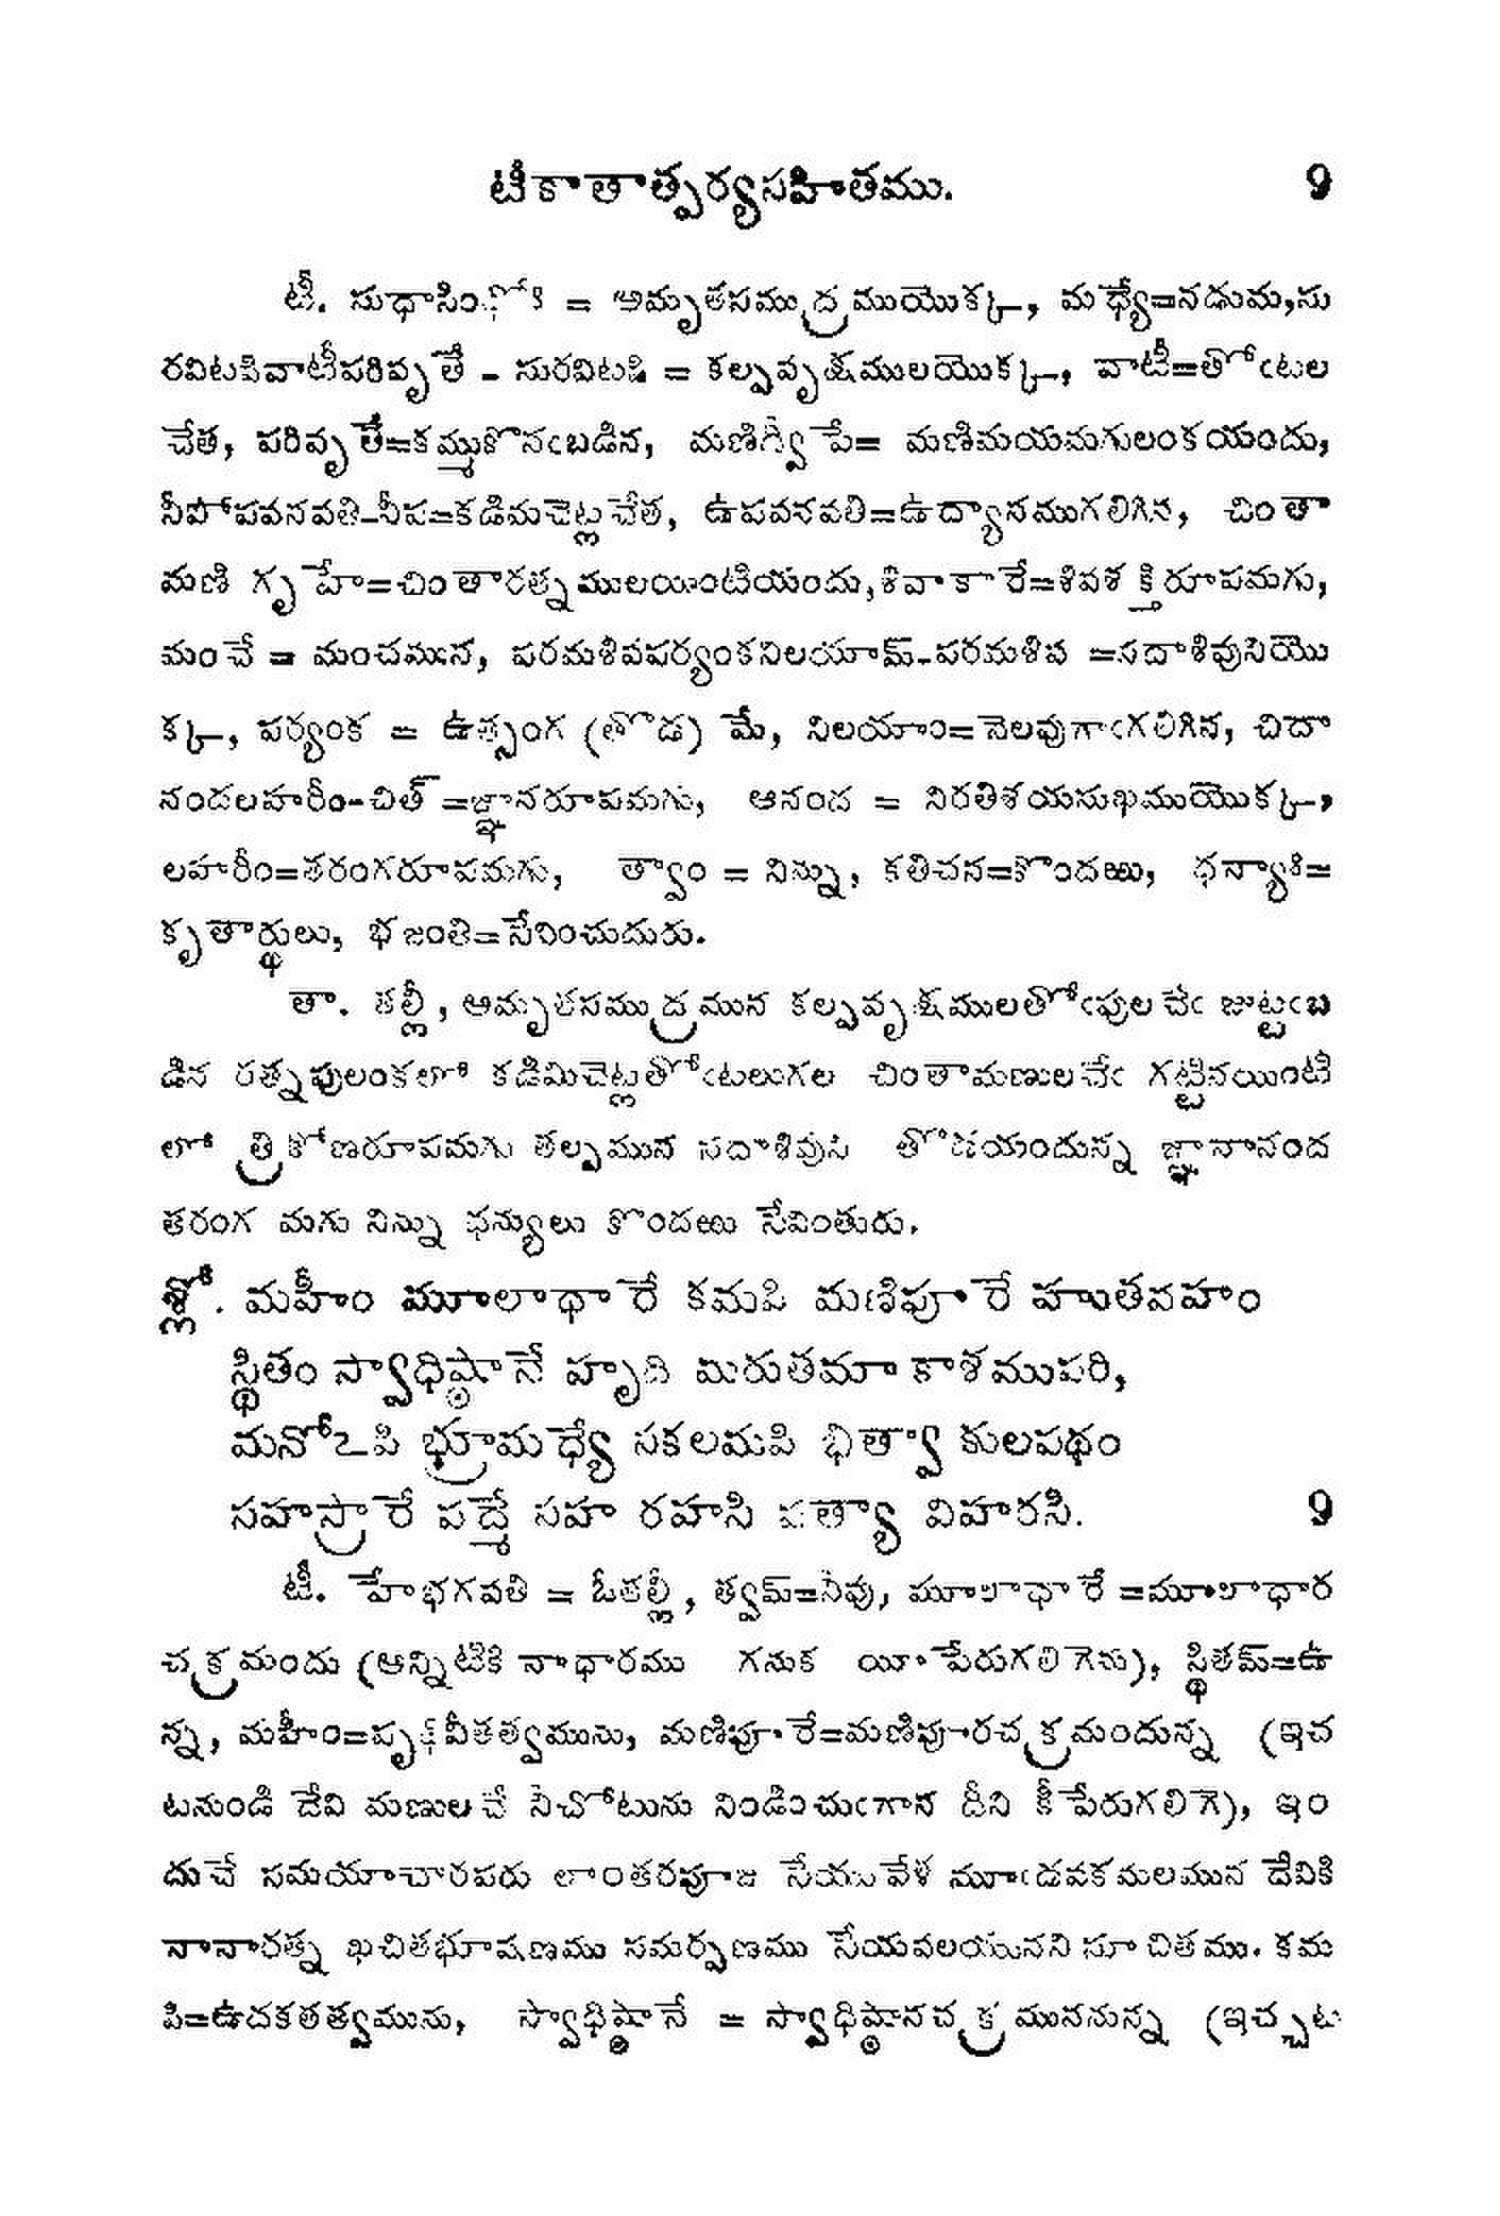టీ. సుధాసింధోః = అమృతసముద్రముయొక్క, మధ్యే = నడుమ, సురవిటపివాటీపరివృతే-సురవిటడి = కల్పవృక్షములయొక్క, వాటీ = తోఁటలచేత, పరివృతే = కమ్ముకొనఁబడిన, మణిద్వీపే = మణిమయమగులంకయందు, నీపోపవనవతి-నీప = కడిమచెట్లచేత, ఉపవనవతి = ఉద్యానముగలిగిన, చింతామణి గృహే = చింతారత్నములయింటియందు, శివాకారే = శివశక్తిరూపమగు, మంచే = మంచమున, పరమశివపర్యంకనిలయామ్-పరమశివ = శదాశివునియొక్క, పర్యంక = ఉత్సంగ (తొడ) మే, నిలయాం = నెలవుగాఁగలిగిన, చిదానందలహరీం-చిత్ = జ్ఞానరూపమగు, ఆనంద = నిరతిశయసుఖముయొక్క, లహరీం = తరంగరూపమగు, త్వాం = నిన్ను, కతిచన = కొందఱు, ధన్యాః = కృతార్థులు, భజంతి = సేవించుదురు.

తా. తల్లీ, అమృతసముద్రమున కల్పవృక్షములతోఁపులచేఁ జుట్టఁబడిన రత్నపులంకలో కడిమిచెట్లతోఁటలుగల చింతామణులచేఁ గట్టినయింటిలో త్రికోణరూపమగు తల్పమున సదాశివుని తొడయందున్న జ్ఞానానందతరంగ మగు నిన్ను ధన్యులు కొందఱు సేవింతురు.

శ్లో. మహీం మూలాధారే కమపి మణిపూరే హుతవహం
 స్థితం స్వాధిష్ఠానే హృది మరుతమాకాశముపరి,
 మనో౽పి భ్రూమధ్యే సకలమపి భిత్వాకులపథం
 సహస్రారే పద్మే సహ రహసి పత్యా విహరసి. 9
టీ. హేభగవతి = ఓతల్లీ, త్వమ్ = నీవు, మూలాధారే = మూలాధారచక్రమందు (అన్నిటికి నాధారము గనుక యీపేరుగలిగెను), స్థితమ్ = ఉన్న, మహీం = పృథివీతత్వమును, మణిపూరే = మణిపూరచక్రమందున్న (ఇచటనుండి దేవి మణులచే నీచోటును నిండించుఁగాన దీని కీ పేరుగలిగె), ఇందుచే సమయాచారపరు లాంతరపూజ సేయువేళ మూఁడవకమలమున దేవికి నానారత్న ఖచితభూషణము సమర్పణము సేయవలయునని సూచితము. కమపి = ఉదకతత్వమును, స్వాధిష్ఠానే = స్వాధిష్ఠానచక్రముననున్న (ఇచ్చట